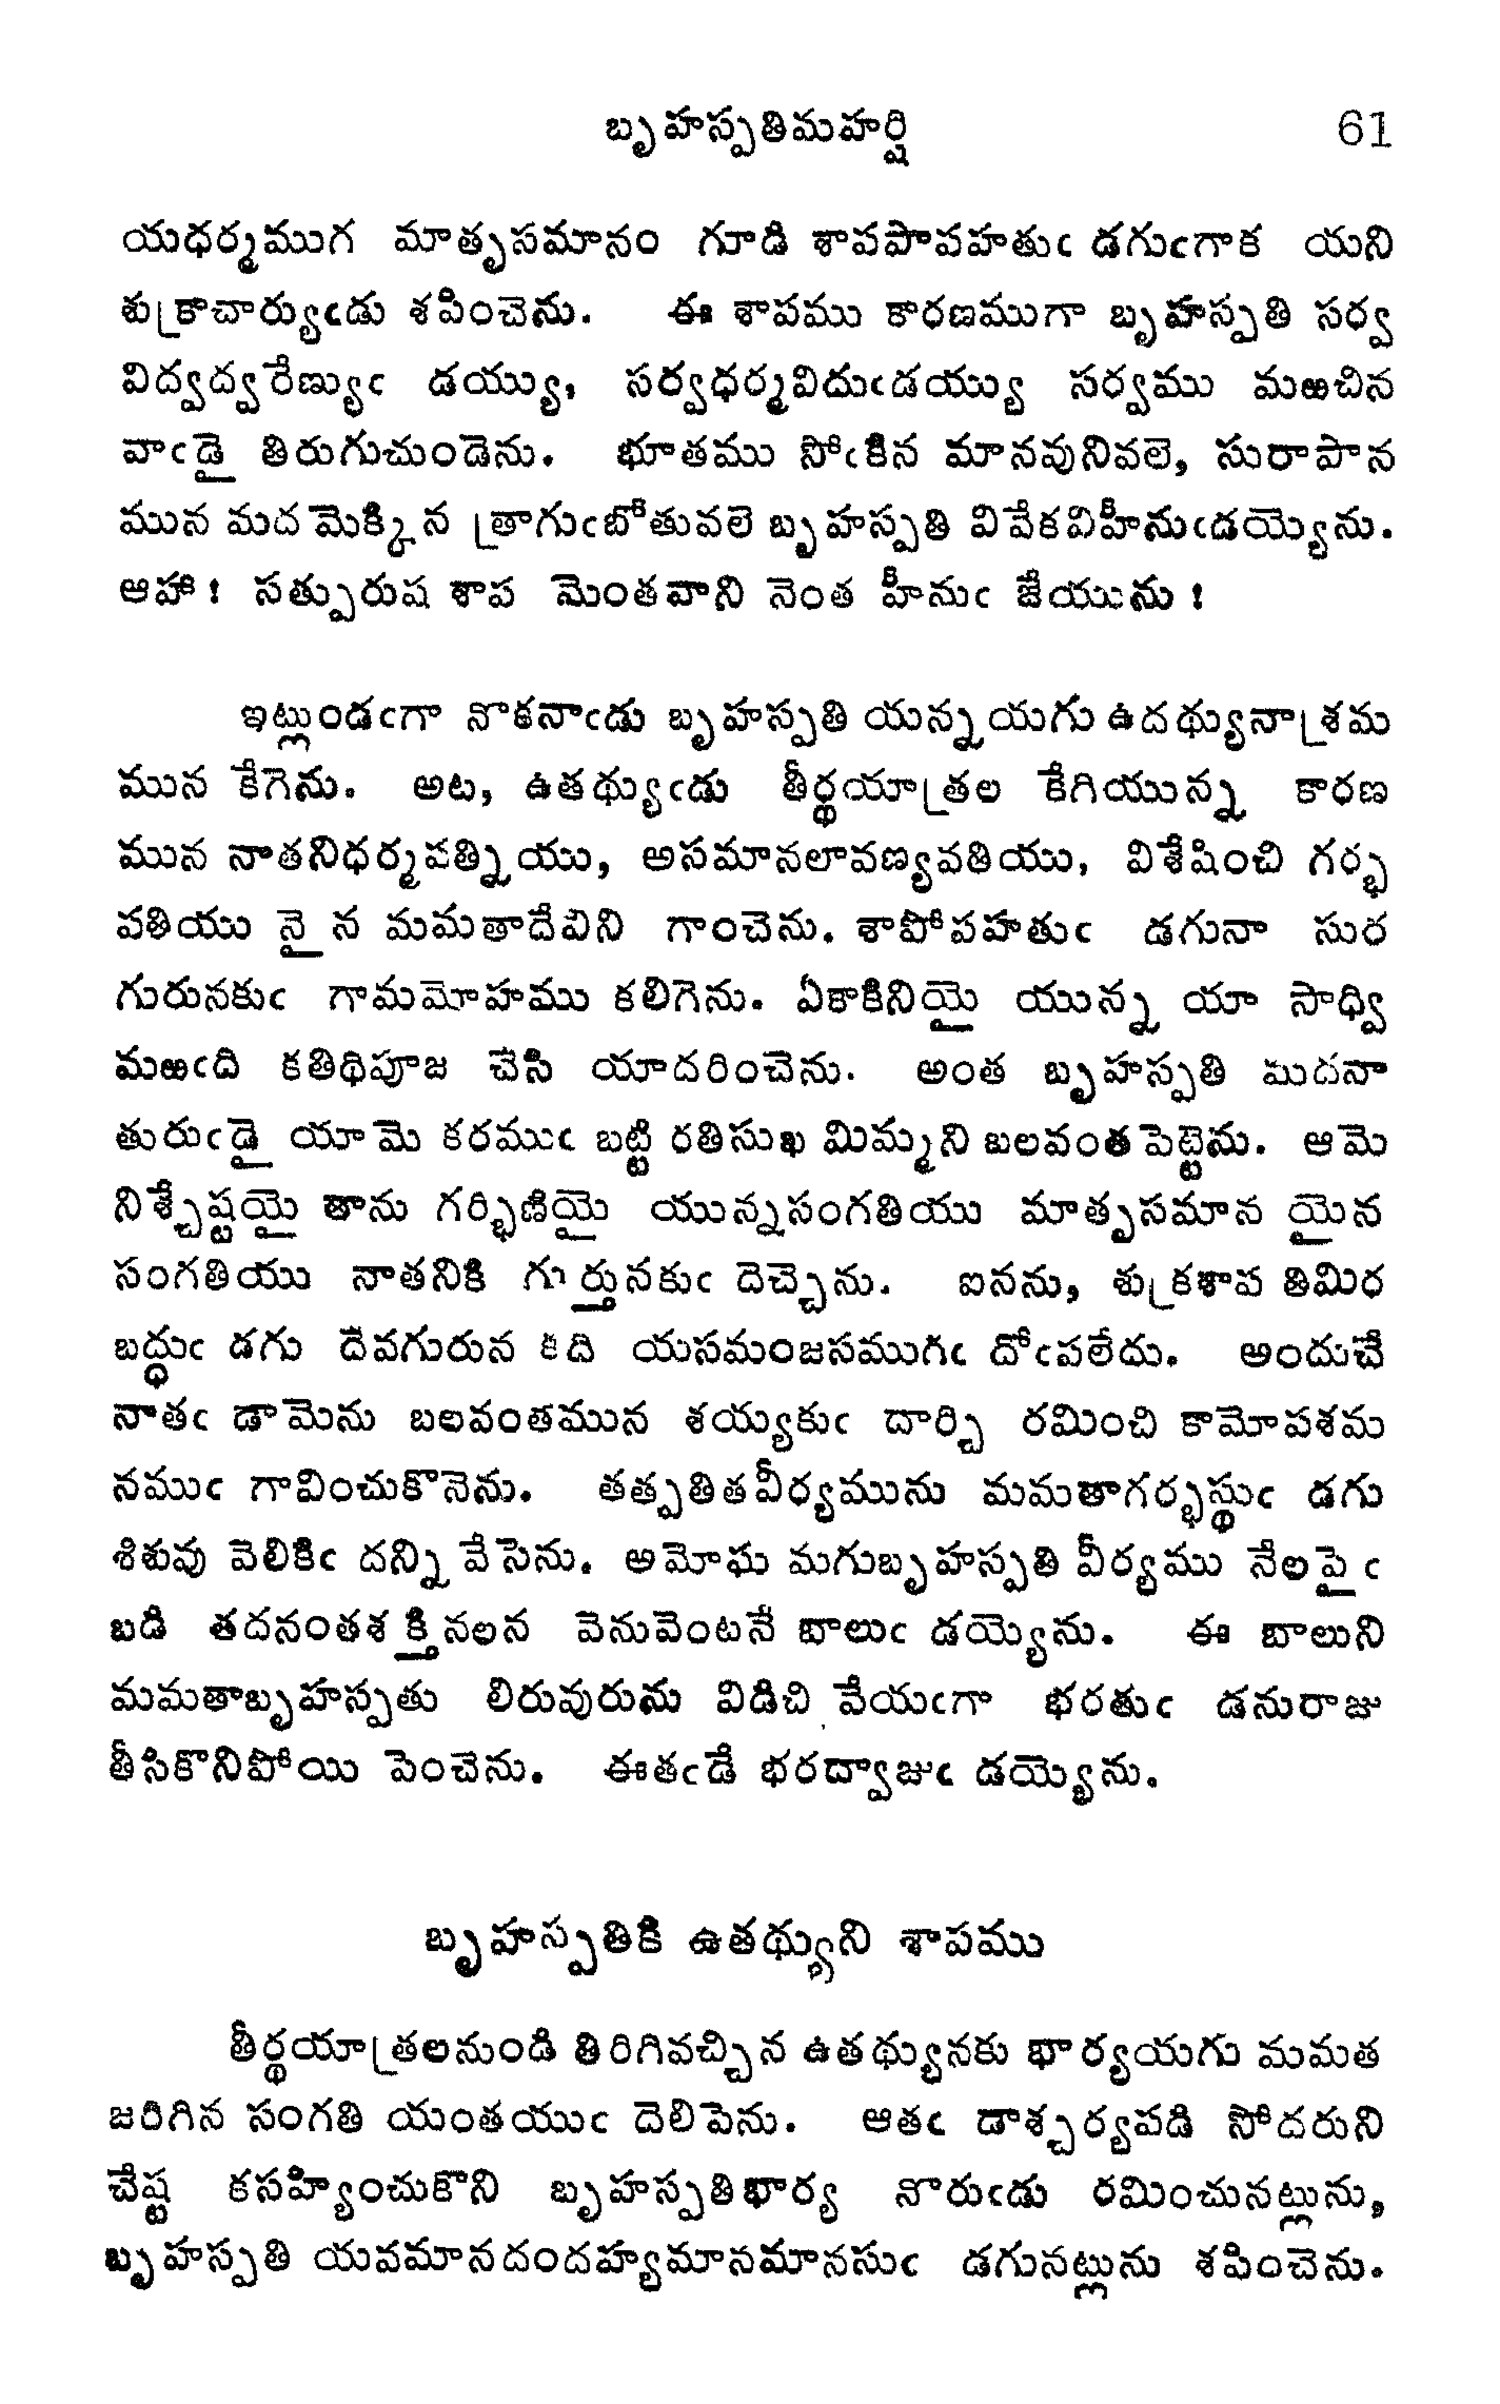యధర్మముగ మాతృసమానం గూడి శాపపాపహతుఁ డగుఁగాక యని శుక్రాచార్యుఁడు శపించెను. ఈ శాపము కారణముగా బృహస్పతి సర్వ విద్వద్వరేణ్యుఁ డయ్యు, సర్వధర్మవిదుఁడయ్యు సర్వము మఱచిన వాఁడై తిరుగుచుండెను. భూతము సోఁకిన మానవునివలె, సురాపానమున మదమెక్కిన త్రాగుఁబోతువలె బృహస్పతి వివేకవిహీనుఁడయ్యెను. ఆహా ! సత్పురుష శాప మెంతవాని నెంత హీనుఁ జేయును !

ఇట్లుండఁగా నొకనాఁడు బృహస్పతి యన్నయగు ఉదథ్యునాశ్రమమున కేగెను. అట, ఉతథ్యుఁడు తీర్థయాత్రల కేగియున్న కారణమున నాతనిధర్మపత్నియు, అసమానలావణ్యవతియు, విశేషించి గర్భవతియు నైన మమతాదేవిని గాంచెను. శాపోపహతుఁ డగునా సుర గురునకుఁ గామమోహము కలిగెను. ఏకాకినియై యున్న యా సాధ్వి మఱఁది కతిథిపూజ చేసి యాదరించెను. అంత బృహస్పతి మదనా తురుఁడై యామె కరముఁ బట్టి రతిసుఖ మిమ్మని బలవంత పెట్టెను. ఆమె నిశ్చేష్టయై తాను గర్భిణియై యున్నసంగతియు మాతృసమాన యైన సంగతియు నాతనికి గుర్తునకుఁ దెచ్చెను. ఐనను, శుక్రతాప తిమిర బద్దుఁ డగు దేవగురున కది యసమంజసముగఁ దోఁపలేదు. అందుచే నాతఁ డామెను బలవంతమున శయ్యకుఁ దార్బి రమించి కామోపశమనముఁ గావించుకొనెను. తత్పతిత వీర్యమును మమతాగర్భస్థుఁ డగు శిశువు వెలికిఁ దన్ని వేసెను. అమోఘ మగుబృహస్పతి వీర్యము నేలపైఁ బడి తదనంతశక్తివలన వెనువెంటనే బాలుఁ డయ్యెను. ఈ బాలుని మమతాబృహస్పతు లిరువురును విడిచి వేయఁగా భరతుఁ డనురాజు తీసికొనిపోయి పెంచేను. ఈతఁడే భరద్వాజుఁ డయ్యెను.

బృహస్పతికి ఉతథ్యుని శాపము 

తీర్థయాత్రలనుండి తిరిగివచ్చిన ఉతథ్యునకు భార్యయగు మమత జరిగిన సంగతి యంతయుఁ దెలిపెను. ఆతఁ డాశ్చర్యపడి సోదరుని చేష్ట కసహ్యించుకొని బృహస్పతిభార్య నొరుఁడు రమించునట్లును, బృహస్పతి యవమానదందహ్యమానమానసుఁ డగునట్లును శపించెను.